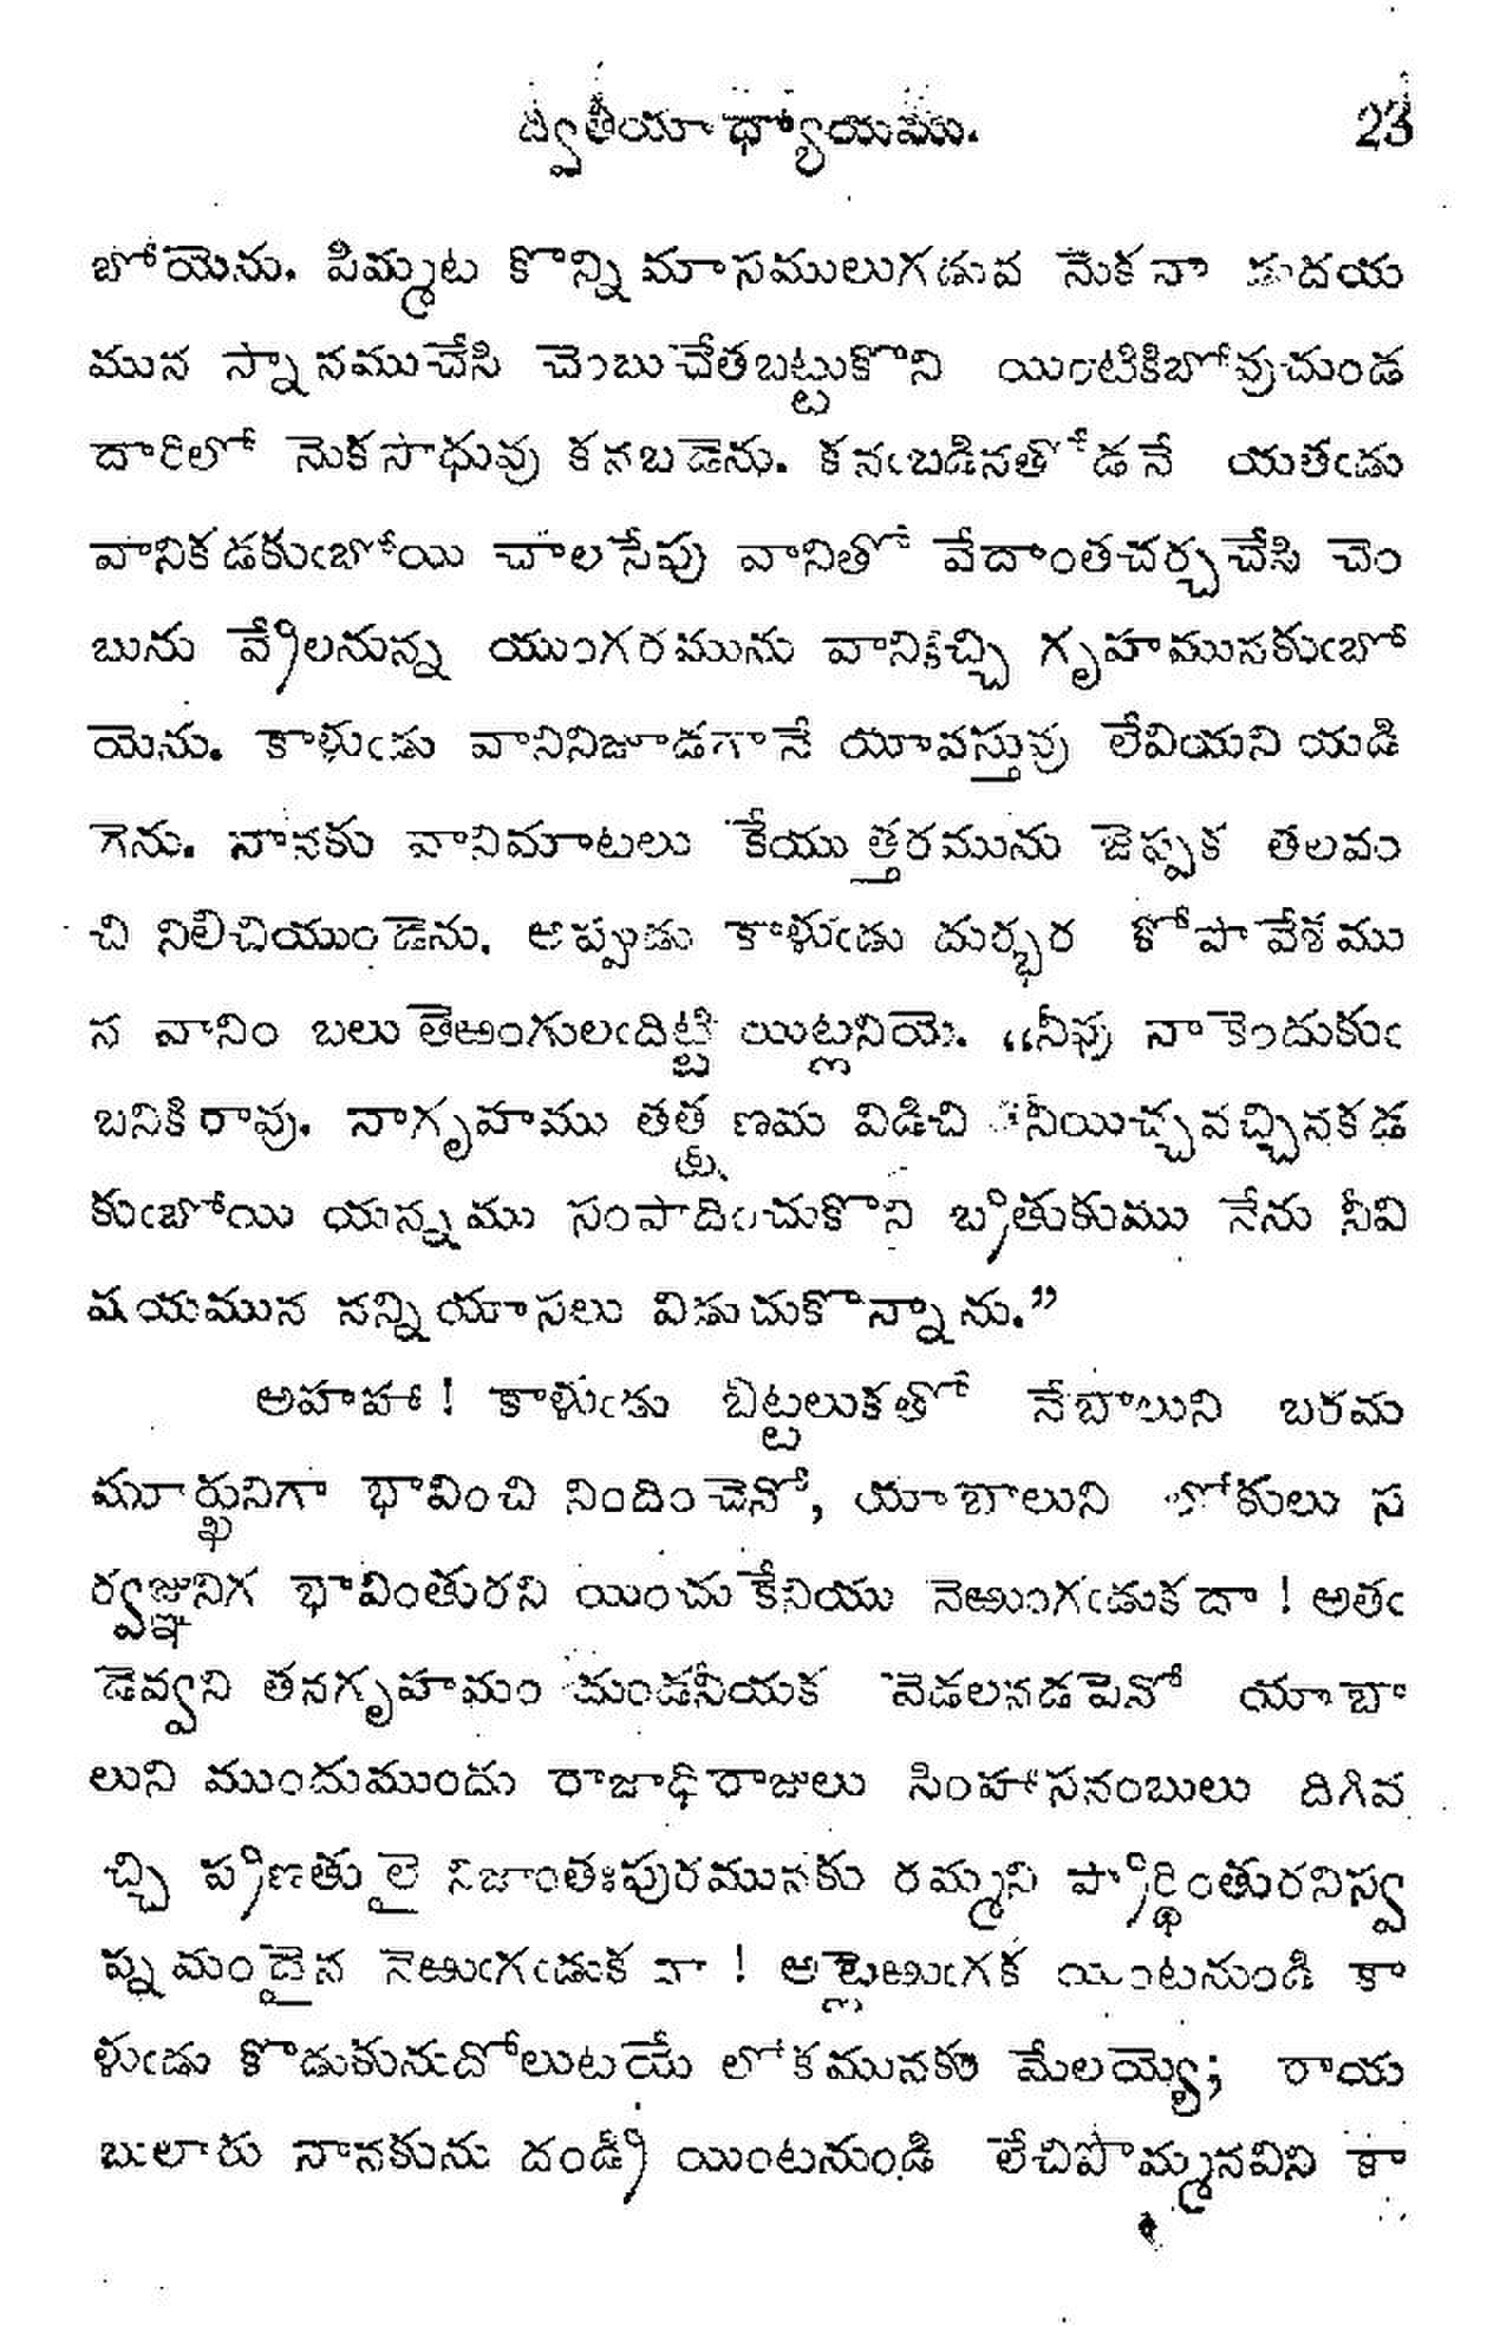బోయెను. పిమ్మట కొన్ని మాసములుగడువ నొకనా డుదయమున స్నానముచేసి చెంబుచేతపట్టుకొని యింటికిబోవుచుండ దారిలో నొకసాధువు కనబడెను. కనబడినతోడనే యతడు వానికడకుబోయి చాలసేపు వానితో వేదాంతచర్చచేసి చెంబును వ్రేలనున్న యుంగరమును వానికిచ్చి గృహమునకుబోయెను. కాళుడు వానినిజూడగానే యావస్తువు లేవియని యడిగెను. నానకు వానిమాటలు కేయుత్తరమును జెప్పక తలవంచి నిలిచియుండెను. అప్పుడు కాళుడు దుర్భర కోపావేశమున వానిం బలుతెఱంగులదిట్టి యిట్లనియె. "నీవు నాకెందుకు బనికిరావు. నాగృహము తక్షణము విడిచి నీయిచ్చవచ్చినకడకుబోయి యన్నము సంపాదించుకొని బ్రతుకుము నేను నీవిషయమున నన్నియాసలు విడుచుకొన్నాను."

అహహా! కాళుడు బిత్తలుకతో నేబాలుని బరమ మూర్ఖునిగా భావించి నిందించెనో, యాబాలుని లోకులు సర్వజ్ఞునిగ భావింతురని యించుకేనియు నెఱుంగడుకదా! అతడెవ్వని తనగృహమం దుండనీయక వెడలనడపెనో యాబాలుని ముందుముందు రాజాధిరాజులు సింహాసనంబులు దిగివచ్చి ప్రణతులై నిజాంత:పురమునకు రమ్మని ప్రార్థింతురనిస్వప్నమందైన నెఱుగడుకదా! అట్లెఱుగక యింటనుండి కాళుడు కొడుకునుదోలుటయే లోకమునకు మేలయ్యె; రాయబులారు నానకును దండ్రి యింటనుండి లేచిపొమ్మనవిని కా